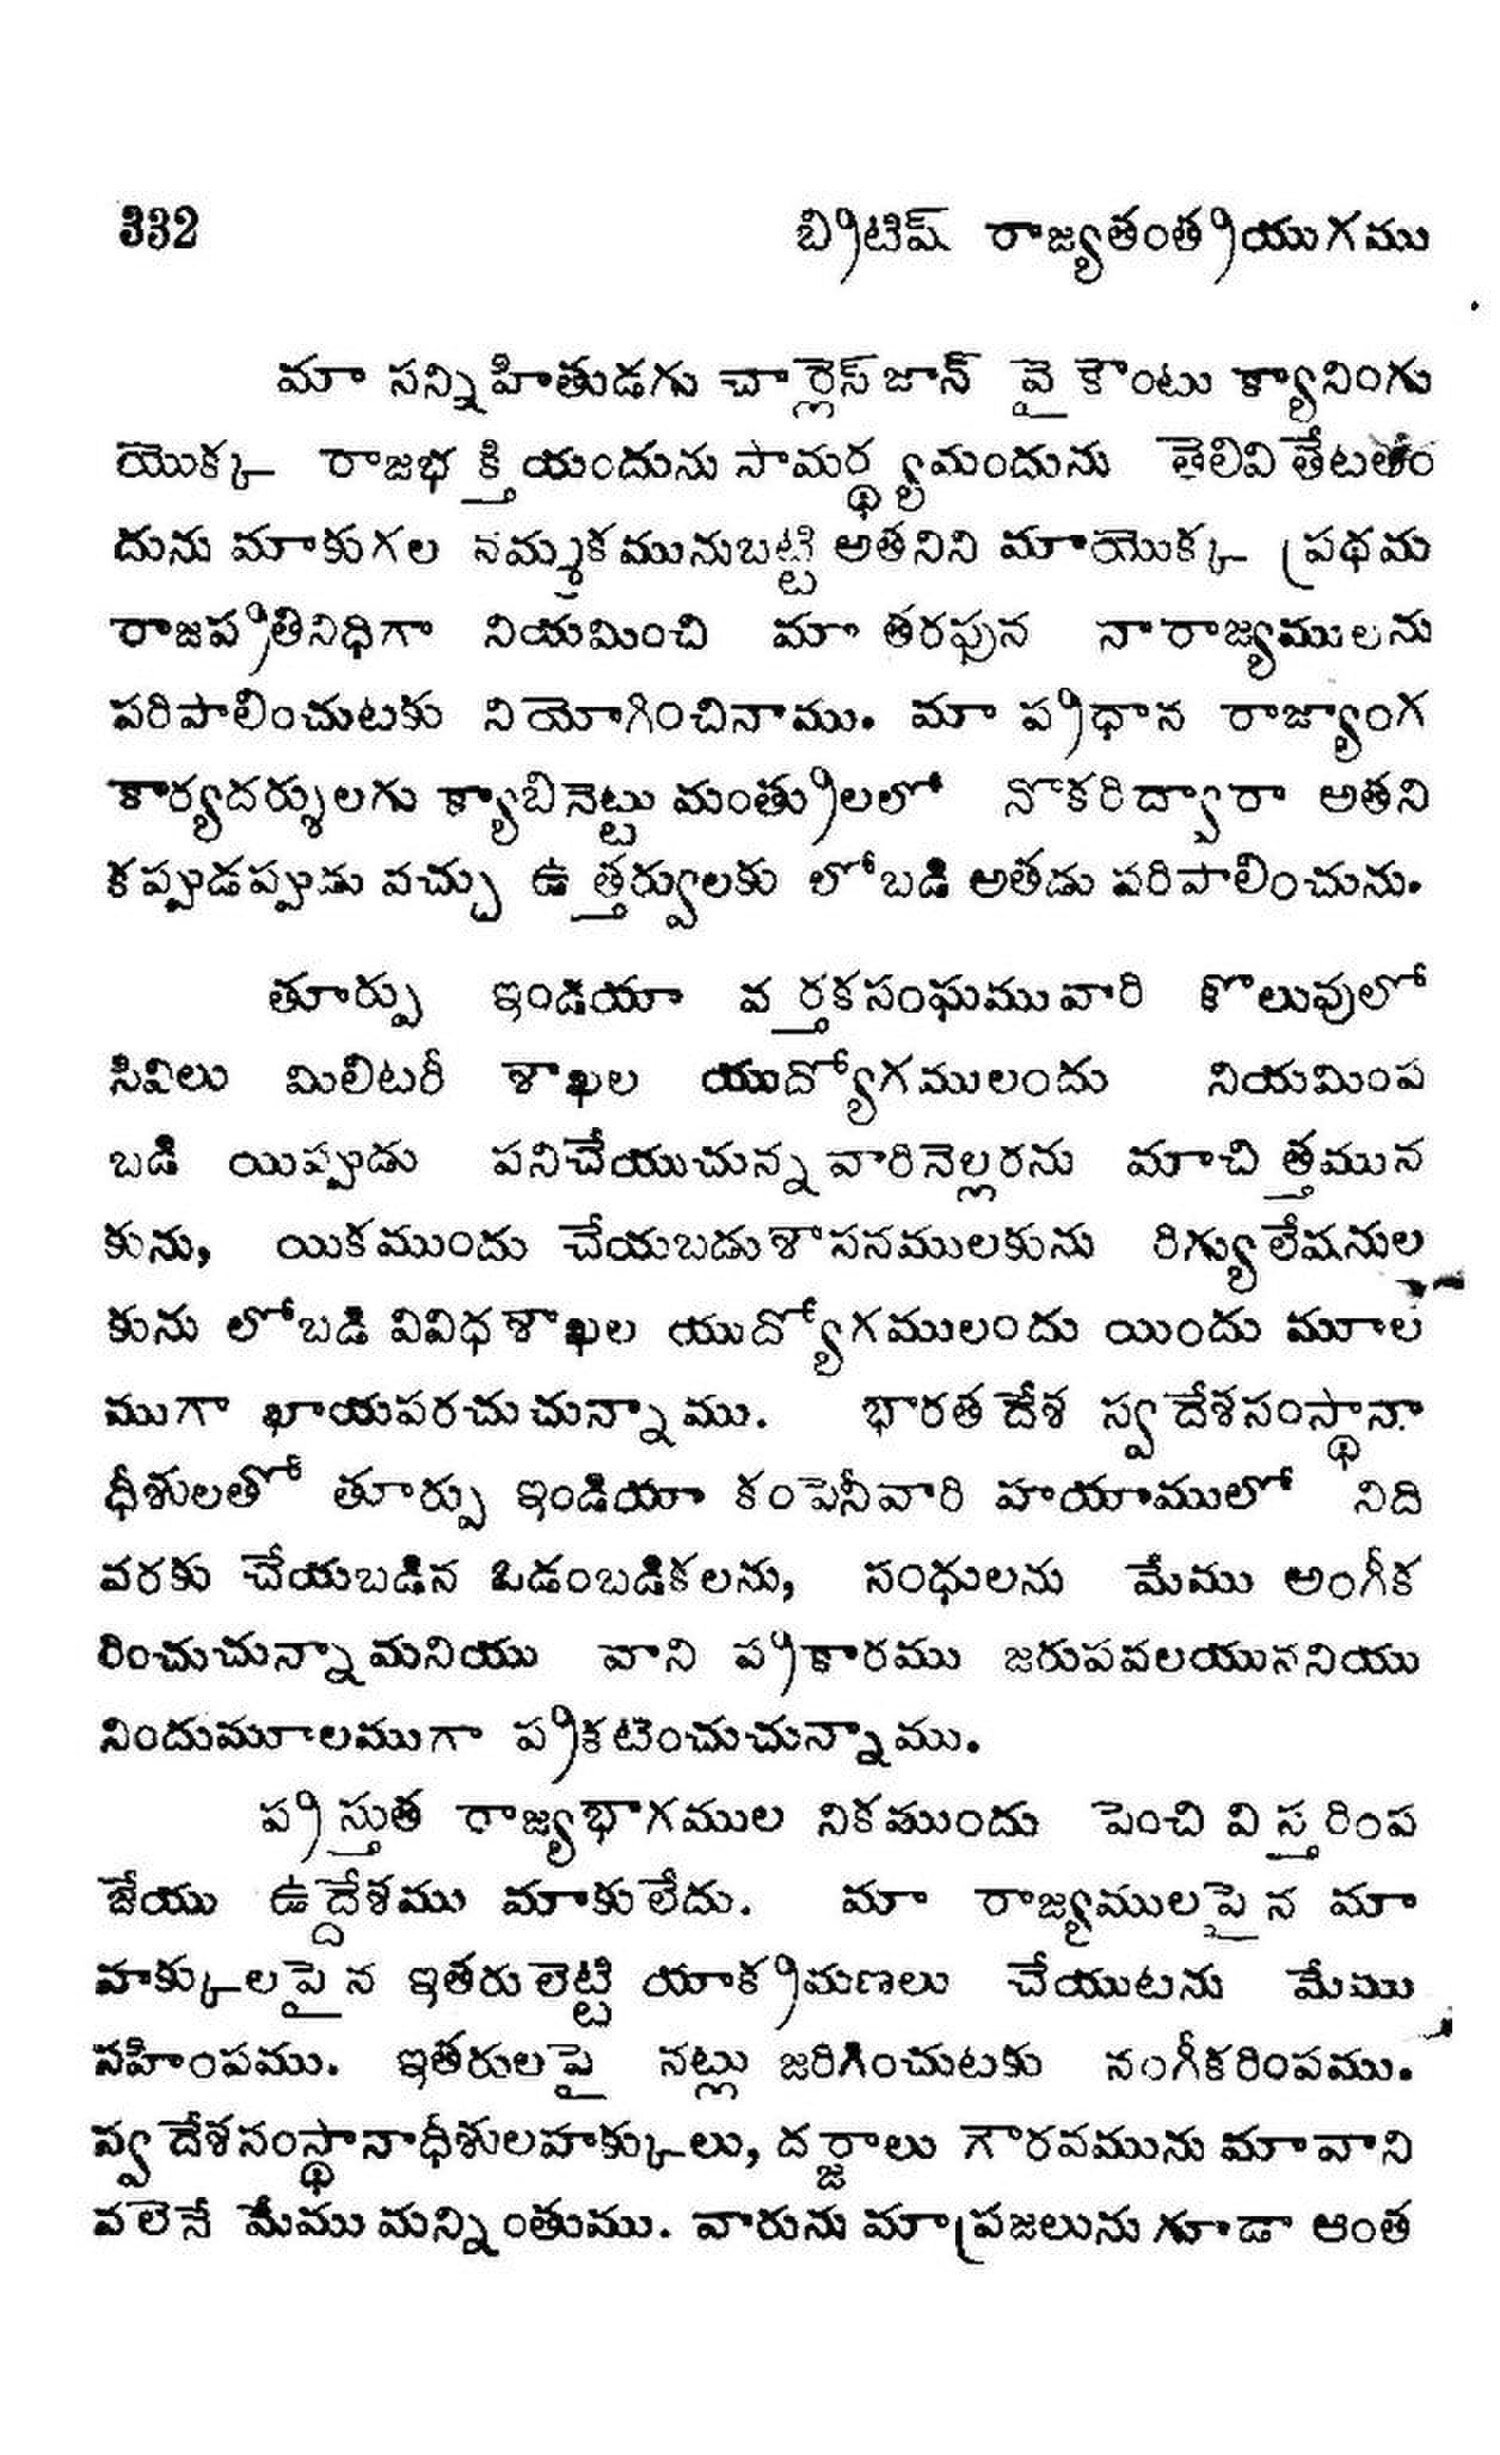మా సన్నిహితుడగు చార్లెస్‌జాన్ వైకౌంటు క్యానింగు యొక్క రాజభక్తియందును సామర్థ్యమందును తెలివితేటలందును మాకుగల నమ్మకమునుబట్టి అతనిని మాయొక్క ప్రథమ రాజప్రతినిధిగా నియమించి మా తరఫున నారాజ్యములను పరిపాలించుటకు నియోగించినాము. మా ప్రధాన రాజ్యాంగ కార్యదర్శులగు క్యాబినెట్టు మంత్రులలో నొకరిద్వారా అతని కప్పుడప్పుడు వచ్చు ఉత్తర్వులకు లోబడి అతడు పరిపాలించును.

తూర్పు ఇండియా వర్తకసంఘమువారి కొలువులో సివిలు మిలిటరీ శాఖల యుద్యోగములందు నియమింపబడి యిప్పుడు పనిచేయుచున్నవారినెల్లరను మాచిత్తమునకును, యికముందు చేయబడు శాసనములకును రిగ్యులేషనుల కును లోబడి వివిధశాఖల యుద్యోగములందు యిందు మూలముగా ఖాయపరచుచున్నాము. భారతదేశ స్వదేశ సంస్థానాధీశులతో తూర్పు ఇండియా కంపెనీవారి హయాములో నిదివరకు చేయబడిన ఒడంబడికలను, సంధులను మేము అంగీకరించుచున్నామనియు వాని ప్రకారము జరుపవలయుననియు నిందుమూలముగా ప్రకటించుచున్నాము.

ప్రస్తుత రాజ్యభాగముల నికముందు పెంచి విస్తరింపజేయు ఉద్దేశము మాకులేదు. మా రాజ్యములపైన మా హక్కులపైన ఇతరులెట్టి యాక్రమణలు చేయుటను మేము సహింపము. ఇతరులపై నట్లు జరిగించుటకు నంగీకరింపము. స్వదేశసంస్థానాధీశులహక్కులు, దర్జాలు గౌరవమును మావాని వలెనే మేము మన్నింతుము. వారును మాప్రజలును గూడా ఆంత